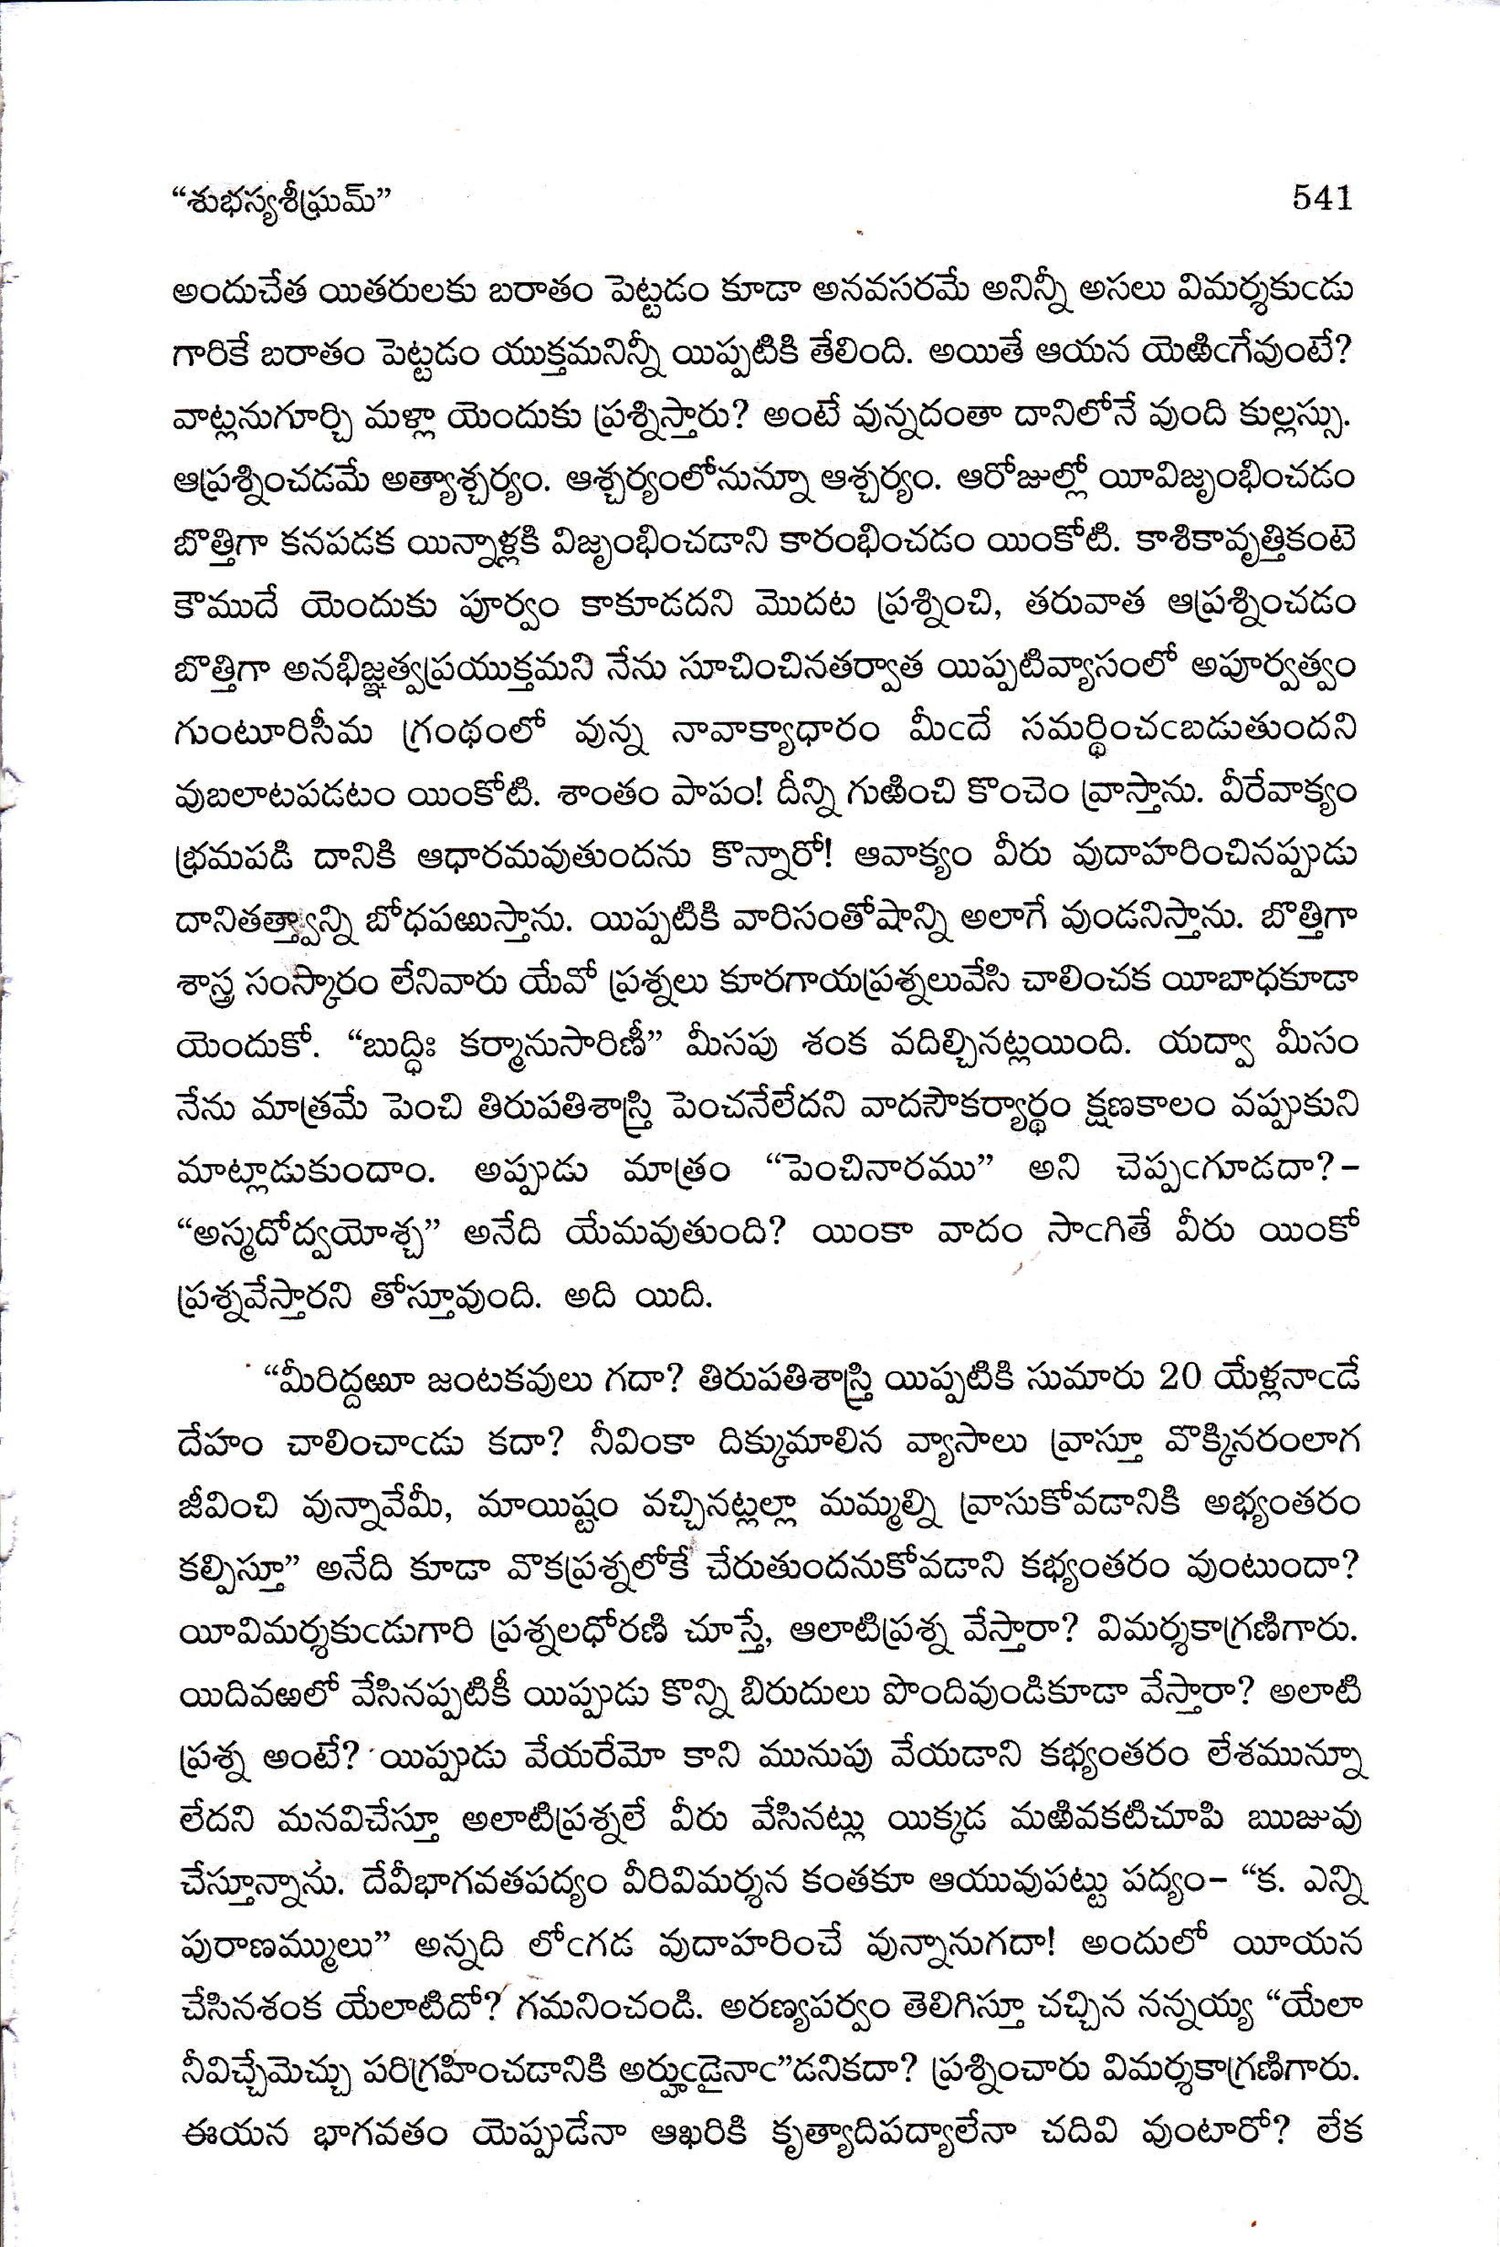అందుచేత యితరులకు బరాతం పెట్టడం కూడా అనవసరమే అనిన్నీ అసలు విమర్శకుఁడు గారికే బరాతం పెట్టడం యుక్తమనిన్నీ యిప్పటికి తేలింది. అయితే ఆయన యెఱిఁగేవంటే? వాట్లనుగూర్చి మళ్లాయెందుకు ప్రశ్నిస్తారు? అంటే వున్నదంతా దానిలోనే వుంది కుల్లస్సు. ఆప్రశ్నించడమే అత్యాశ్చర్యం. ఆశ్చర్యంలోనున్నూ ఆశ్చర్యం. ఆరోజుల్లో యీవిజృంభించడం బొత్తిగా కనపడక యిన్నాళ్లకి విజృంభించడాని కారంభించడం యింకోటి. కాశికావృత్తికంటె కౌముదే యెందుకు పూర్వం కాకూడదని మొదట ప్రశ్నించి, తరువాత ఆప్రశ్నించడం బొత్తిగా అనభిజ్ఞత్వప్రయుక్తమని నేను సూచించినతర్వాత యిప్పటివ్యాసంలో అపూర్వత్వం గుంటూరిసీమ గ్రంథంలో వున్న నావాక్యాధారం మీఁదే సమర్ధించఁబడుతుందని వుబలాటపడటం యింకోటి. శాంతం పాపం! దీన్ని గుఱించి కొంచెం వ్రాస్తాను. వీరేవాక్యం భ్రమపడి దానికి ఆధారమవుతుందను కొన్నారో! ఆవాక్యం వీరు వుదాహరించినప్పుడు దానితత్త్వాన్ని బోధపఱుస్తాను. యిప్పటికి వారిసంతోషాన్ని అలాగే వుండనిస్తాను. బొత్తిగా శాస్త్ర సంస్కారం లేనివారు యేవో ప్రశ్నలు కూరగాయప్రశ్నలువేసి చాలించక యీబాధకూడా యెందుకో, "బుద్ధిః కర్మానుసారిణీ" మీసపు శంక వదిల్చినట్లయింది. యద్వా మీసం నేను మాత్రమే పెంచి తిరుపతిశాస్త్రి పెంచనేలేదని వాదసౌకర్యార్థం క్షణకాలం వప్పుకుని మాట్లాడుకుందాం. అప్పుడు మాత్రం “పెంచినారము" అని చెప్పఁగూడదా?“అస్మదోద్వయోశ్చ" అనేది యేమవుతుంది? యింకా వాదం సాఁగితే వీరు యింకో ప్రశ్నవేస్తారని తోస్తూవుంది. అది యిది.

“మీరిద్దఱూ జంటకవులు గదా? తిరుపతిశాస్త్రి యిప్పటికి సుమారు 20 యేళ్లనాఁడే దేహం చాలించాఁడు కదా? నీవింకా దిక్కుమాలిన వ్యాసాలు వ్రాస్తూ వొక్కినరంలాగ జీవించి వున్నావేమీ, మాయిష్టం వచ్చినట్లల్లా మమ్మల్ని వ్రాసుకోవడానికి అభ్యంతరం కల్పిస్తూ" అనేది కూడా వొకప్రశ్నలోకే చేరుతుందనుకోవడాని కభ్యంతరం వుంటుందా? యీవిమర్శకుఁడుగారి ప్రశ్నలధోరణి చూస్తే, ఆలాటిప్రశ్న వేస్తారా? విమర్శకాగ్రణిగారు. యిదివఱలో వేసినప్పటికీ యిప్పుడు కొన్ని బిరుదులు పొందివుండికూడా వేస్తారా? అలాటి ప్రశ్న అంటే? యిప్పుడు వేయరేమో కాని మునుపు వేయడాని కభ్యంతరం లేశమున్నూ లేదని మనవిచేస్తూ అలాటిప్రశ్నలే వీరు వేసినట్లు యిక్కడ మఱివకటిచూపి ఋజువు చేస్తూన్నాను. దేవీభాగవతపద్యం వీరివిమర్శన కంతకూ ఆయువుపట్టు పద్యం- “క. ఎన్ని పురాణమ్ములు" అన్నది లోcగడ వుదాహరించే వున్నానుగదా! అందులో యీయన చేసినశంక యేలాటిదో? గమనించండి. అరణ్యపర్వం తెలిగిస్తూ చచ్చిన నన్నయ్య "యేలా నీవిచ్చేమెచ్చు పరిగ్రహించడానికి అర్హుఁడైనాఁ"డనికదా? ప్రశ్నించారు విమర్శకాగ్రణిగారు. ఈయన భాగవతం యెప్పుడేనా ఆఖరికి కృత్యాదిపద్యాలేనా చదివి వుంటారో? లేక